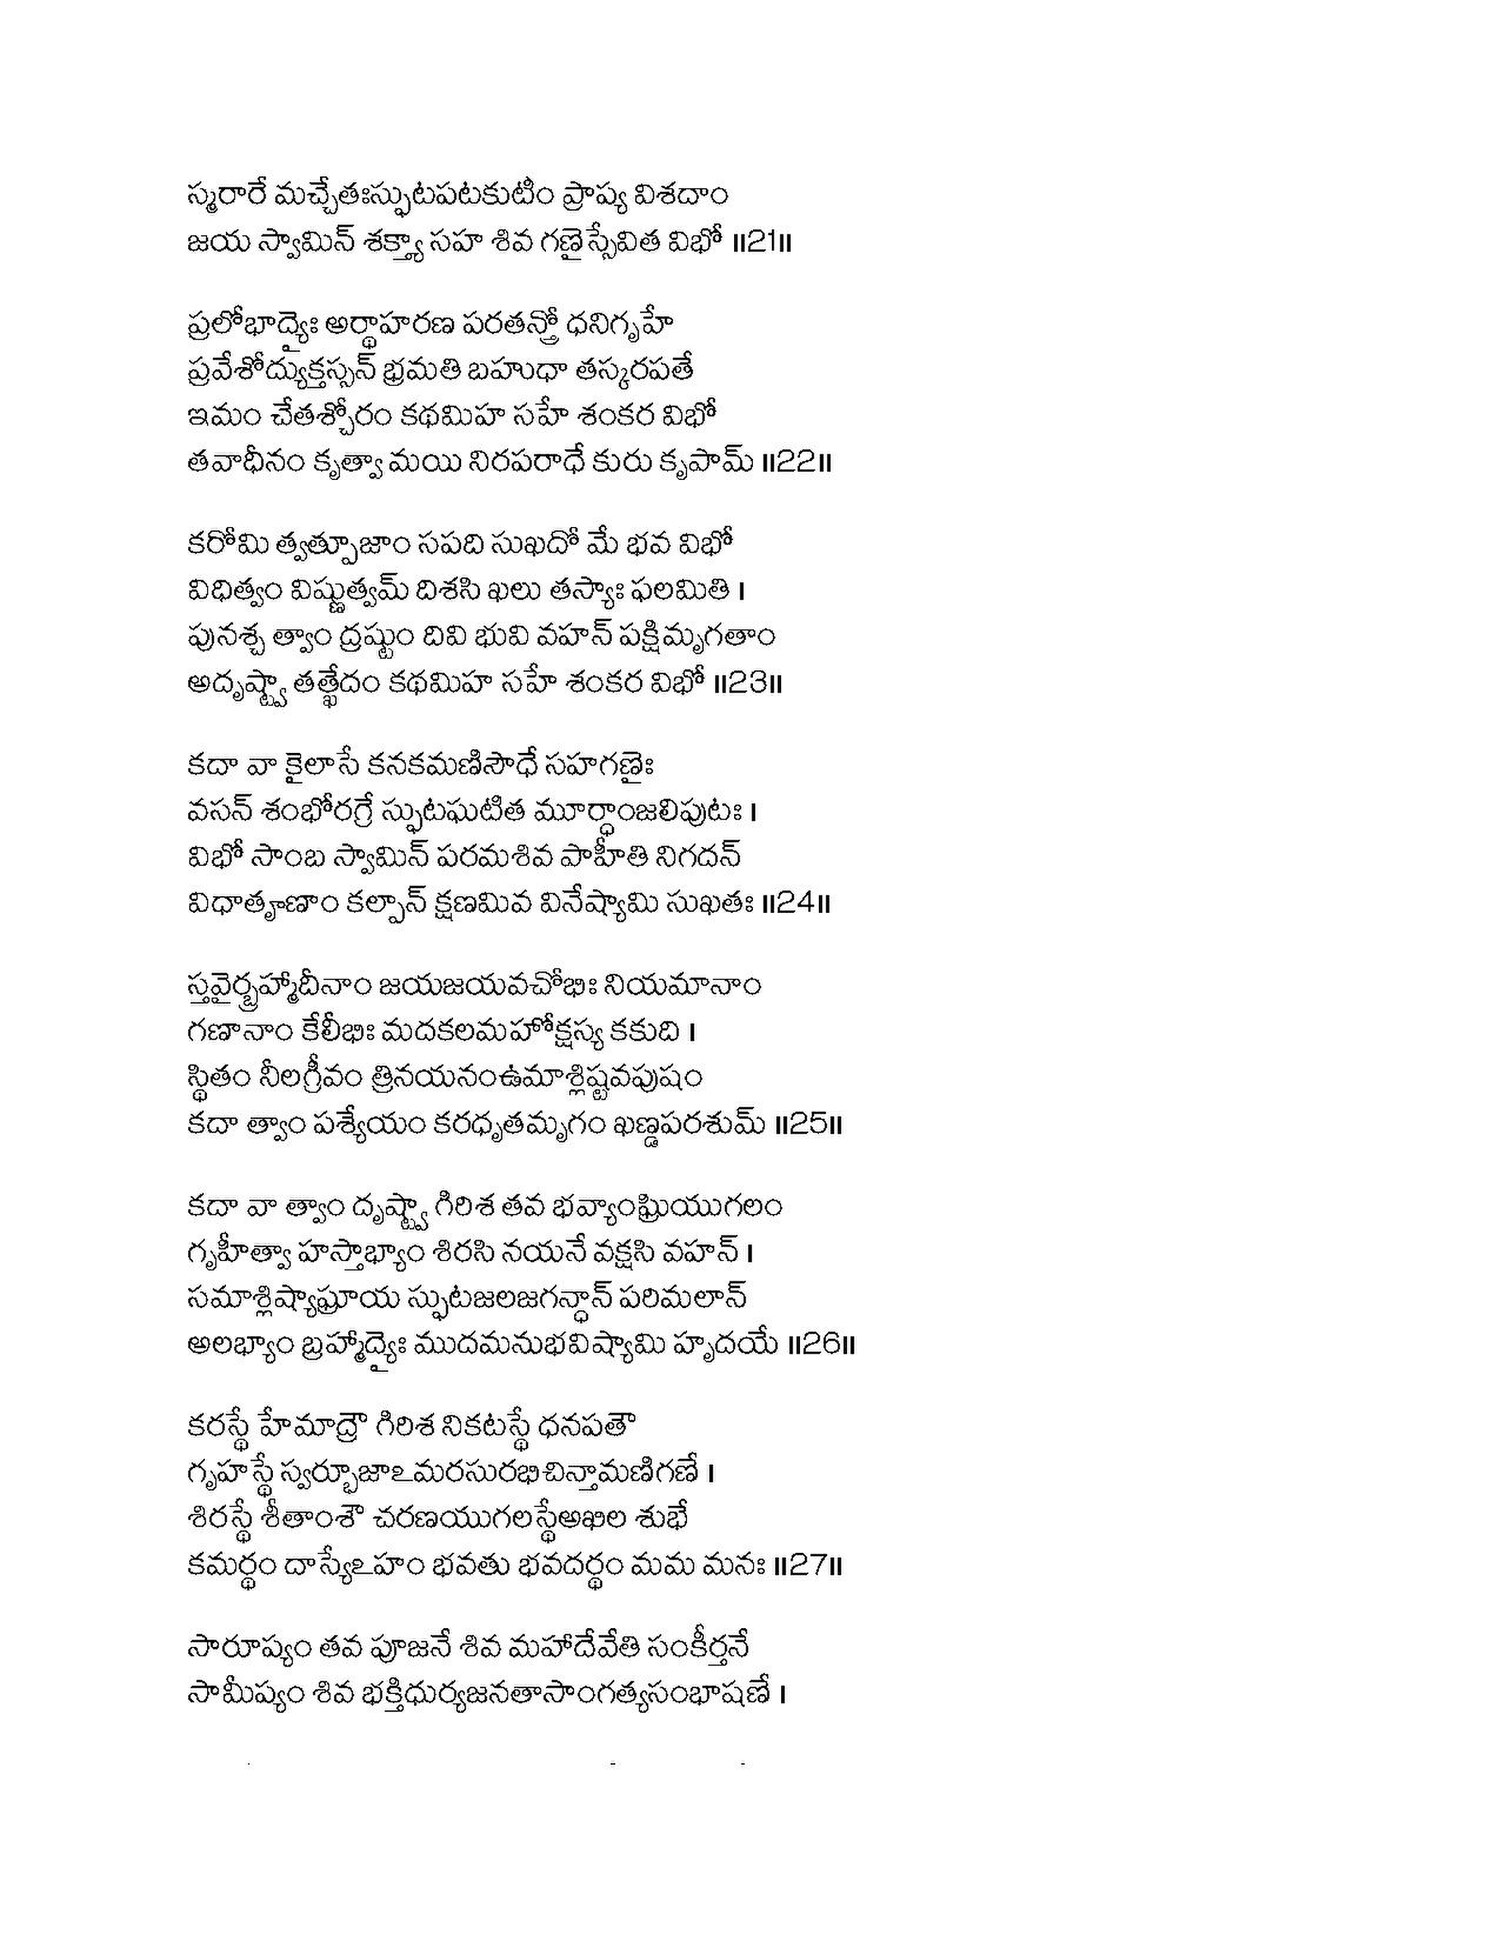స్మరారే మచ్చేతఃస్ఫుటపటకుటిం ప్రాప్య విశదాం
జయ స్వామిన్ శక్త్యా సహ శివ గణైస్సేవిత విభో ||21||

ప్రలోభాద్యైః అర్థాహరణ పరతన్త్రో ధనిగృహే
ప్రవేశోద్యుక్తస్సన్ భ్రమతి బహుధా తస్కరపతే
ఇమం చేతశ్చోరం కథమిహ సహే శంకర విభో
తవాధీనం కృత్వామయి నిరపరాధే కురు కృపామ్ ||22||

కరోమి త్వత్పూజాం సపది సుఖదో మే భవ విభో
విధిత్వం విష్ణుత్వమ్ దిశసి ఖలు తస్యాః ఫలమితి |
పునశ్చ త్వాం ద్రష్టుం దివి భువి వహన్ పక్షిమృగతాం
అదృష్ట్వా తత్ఖేదం కథమిహ సహే శంకర విభో ||23||

కదా వా కైలాసే కనకమణిసౌధే సహగణైః
వసన్ శంభోరగ్రే స్ఫుటఘటిత మూర్ధాంజలిపుటః |
విభో సాంబ స్వామిన్ పరమశివ పాహీతి నిగదన్
విధాతౄణాం కల్పాన్ క్షణమివ వినేష్యామి సుఖతః ||24||

స్తవైర్బ్రహ్మాదీనాం జయజయవచోభిః నియమానాం
గణానాం కేలీభిః మదకలమహోక్షస్య కకుది |
స్థితం నీలగ్రీవం త్రినయనంఉమాశ్లిష్టవపుషం
కదా త్వాం పశ్యేయం కరధృతమృగం ఖణ్డపరశుమ్ ||25||

కదా వా త్వాం దృష్ట్వా గిరిశ తవ భవ్యాంఘ్రియుగలం
గృహీత్వాహస్తాభ్యాం శిరసి నయనే వక్షసి వహన్ |
సమాశ్లిష్యాఘ్రాయ స్ఫుటజలజగన్ధాన్ పరిమలాన్
అలభ్యాం బ్రహ్మాద్యైః ముదమనుభవిష్యామి హృదయే ||26||

కరస్థే హేమాద్రౌ గిరిశ నికటస్థే ధనపతౌ
గృహస్థే స్వర్బూజాఽమరసురభి చిన్తామణిగణే |
శిరస్థే శీతాంశౌ చరణయుగలస్థేఅఖిల శుభే
కమర్థం దాస్యే౽హం భవతు భవదర్థం మమ మనః || 27 ||

సారూప్యం తవ పూజనే శివ మహాదేవేతి సంకీర్తనే
సామీప్యం శివ భక్తిధుర్యజనతాసాంగత్యసంభాషణే |